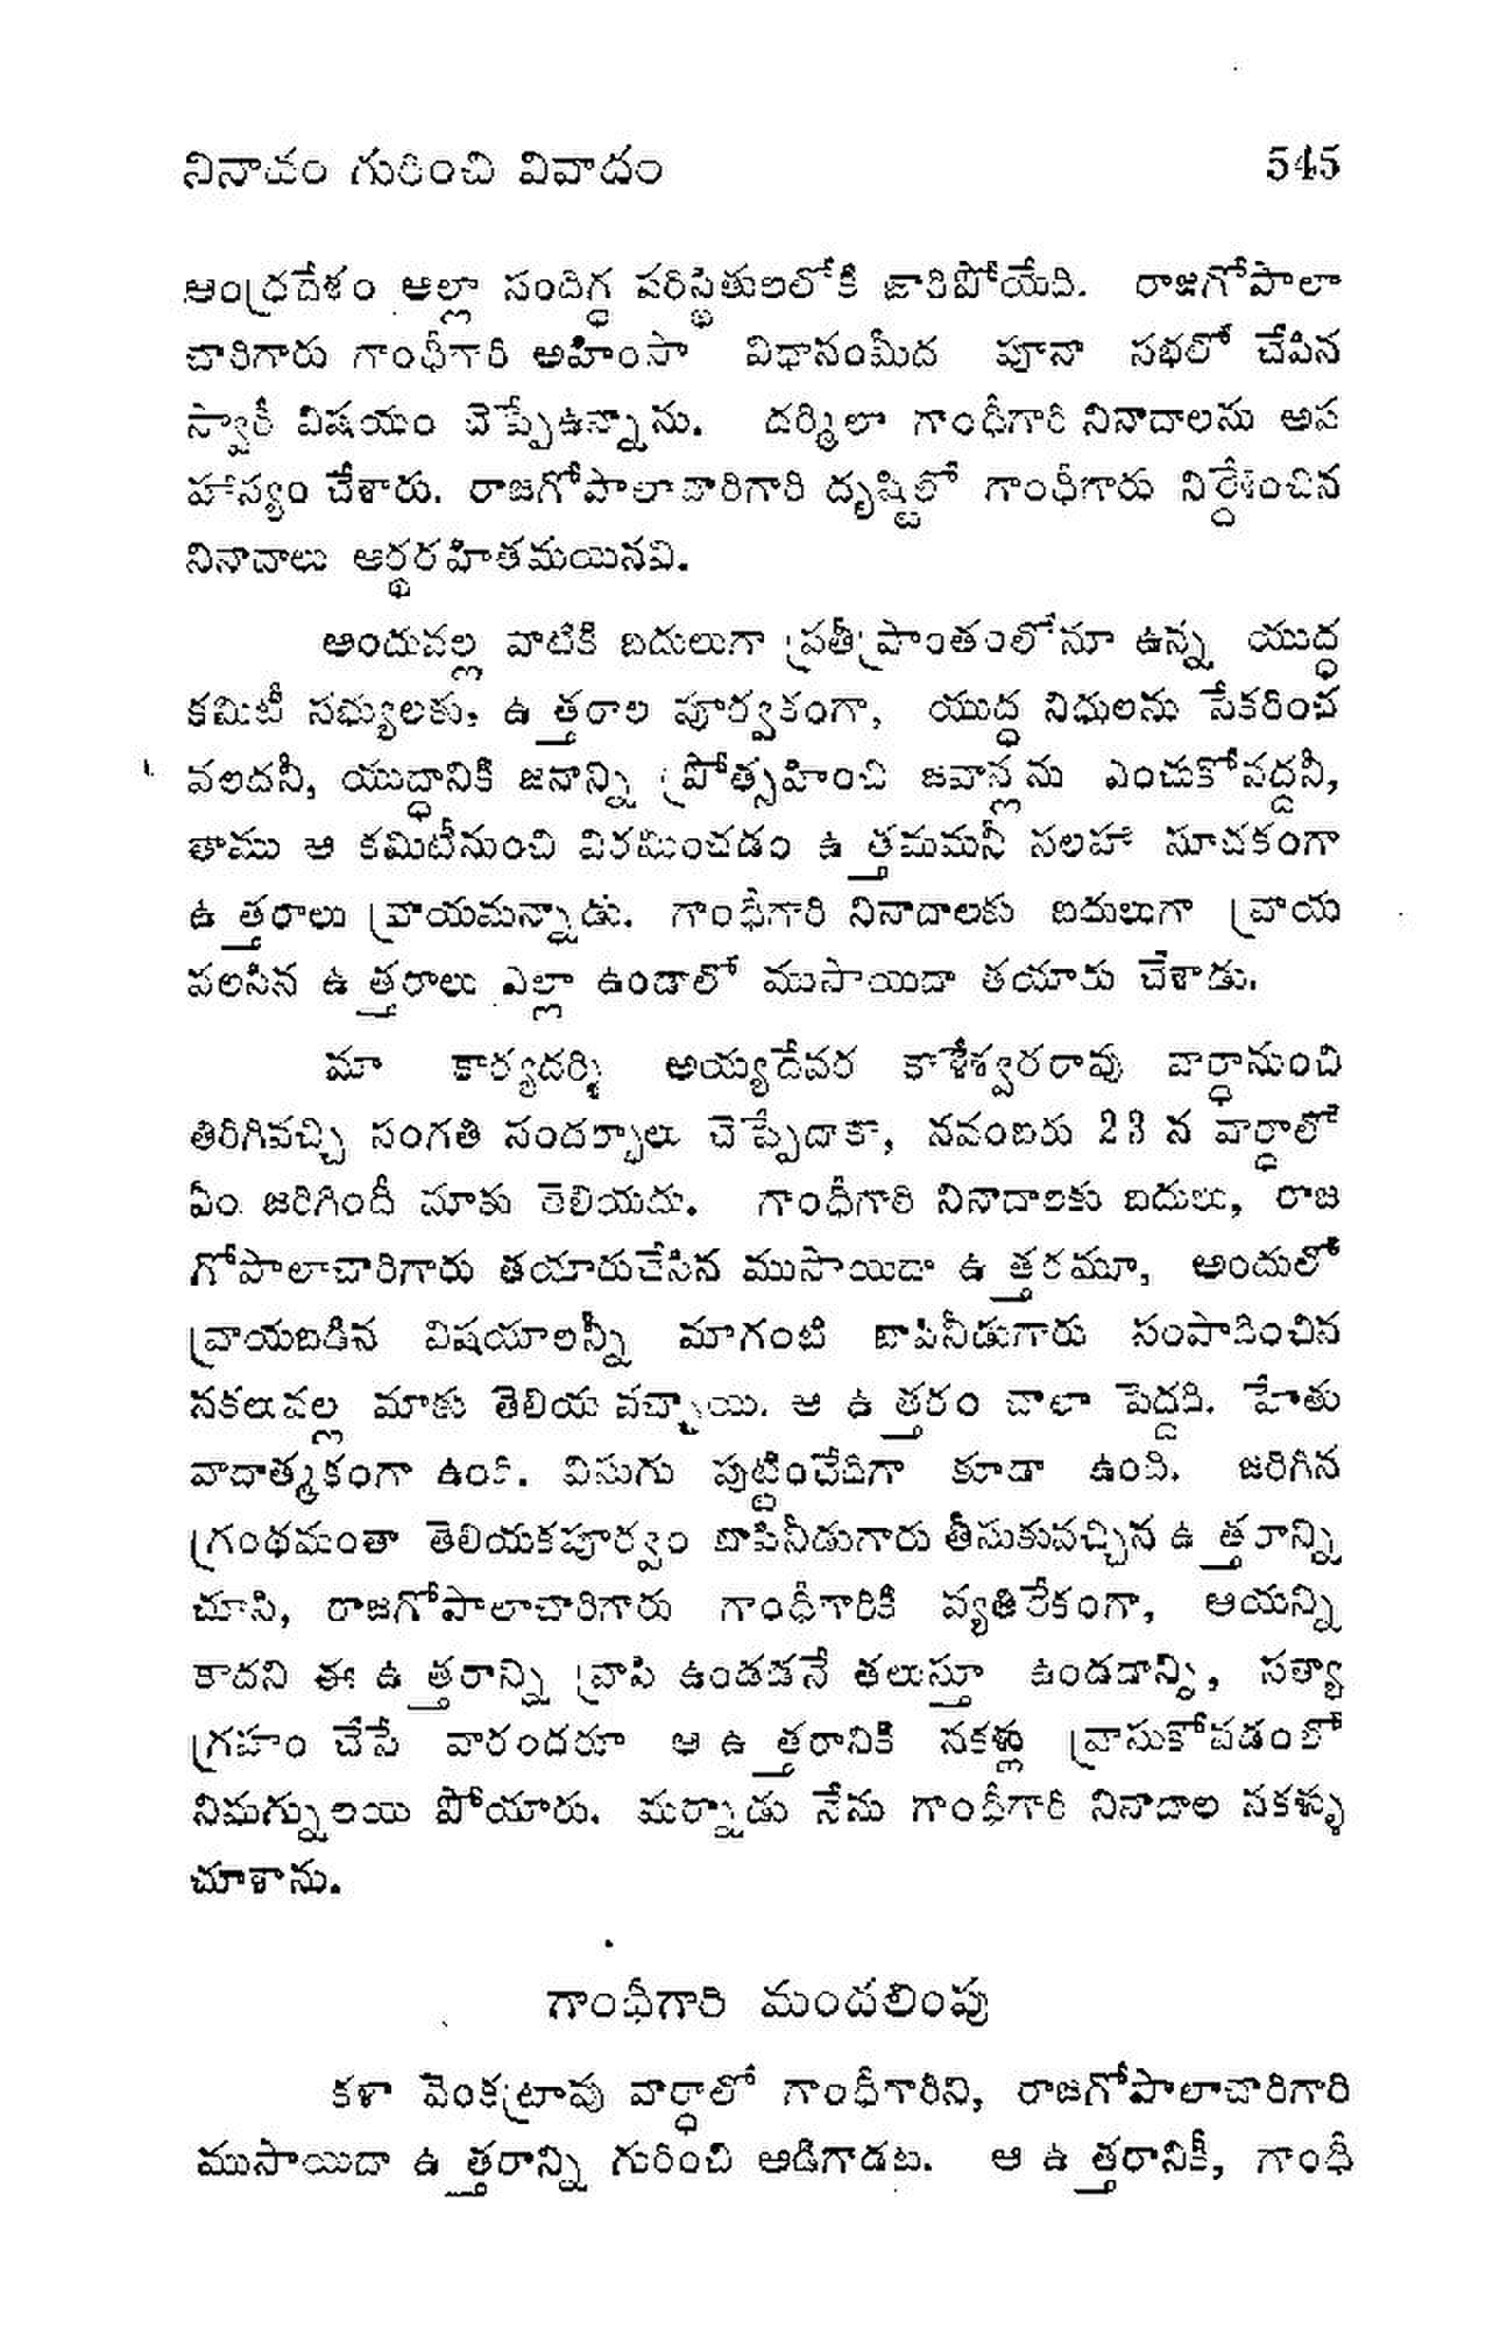ఆంధ్రదేశం అల్లా సందిగ్ధ పరిస్థితులలోకి జారిపోయేది. రాజగోపాలాచారిగారు గాంధీగారి అహింసా విధానంమీద పూనా సభలో చేసిన స్వారీ విషయం చెప్పేఉన్నాను. దర్మిలా గాంధీగారి నినాదాలను అపహాస్యం చేశారు. రాజగోపాలాచారిగారి దృష్టిలో గాంధీగారు నిర్దేశించిన నినాదాలు అర్థరహితమయినవి.

అందువల్ల వాటికి బదులుగా ప్రతీప్రాంతంలోనూ ఉన్న యుద్ధ కమిటీ సభ్యులకు, ఉత్తరాల పూర్వకంగా, యుద్ధ నిధులను సేకరించవలదనీ, యుద్ధానికి జనాన్ని ప్రోత్సహించి జవాన్లను ఎంచుకో వద్దనీ, తాము ఆ కమిటీనుంచి విరమించడం ఉత్తమమనీ సలహా సూచకంగా ఉత్తరాలు వ్రాయమన్నాడు. గాంధీగారి నినాదాలకు బదులుగా వ్రాయవలసిన ఉత్తరాలు ఎల్లా ఉండాలో ముసాయిదా తయారు చేశాడు.

మా కార్యదర్శి అయ్యదేవర కాళేశ్వరరావు వార్ధానుంచి తిరిగివచ్చి సంగతి సందర్భాలు చెప్పేదాకా, నవంబరు 23 న వార్ధాలో ఏం జరిగిందీ మాకు తెలియదు. గాంధీగారి నినాదాలకు బదులు, రాజగోపాలాచారిగారు తయారుచేసిన ముసాయిదా ఉత్తరమూ, అందులో వ్రాయబడిన విషయాలన్నీ మాగంటి బాపినీడుగారు సంపాదించిన నకలువల్ల మాకు తెలియ వచ్చాయి. ఆ ఉత్తరం చాలా పెద్దది. హేతువాదాత్మకంగా ఉంది. విసుగు పుట్టించేదిగా కూడా ఉంది. జరిగిన గ్రంథమంతా తెలియకపూర్వం బాపినీడుగారు తీసుకు వచ్చిన ఉత్తరాన్ని చూసి, రాజగోపాలాచారిగారు గాంధీగారికి వ్యతిరేకంగా, ఆయన్ని కాదని ఈ ఉత్తరాన్ని వ్రాసి ఉండడనే తలుస్తూ ఉండడాన్ని, సత్యాగ్రహం చేసే వారందరూ ఆ ఉత్తరానికి నకళ్లు వ్రాసుకోవడంలో నిమగ్నులయి పోయారు. మర్నాడు నేను గాంధీగారి నినాదాల నకళ్ళు చూశాను.

కళా వెంకట్రావు వార్దాలో గాంధీగారిని, రాజగోపాలాచారిగారి ముసాయిదా ఉత్తరాన్ని గురించి అడిగాడట. ఆ ఉత్తరానికీ, గాంధీ